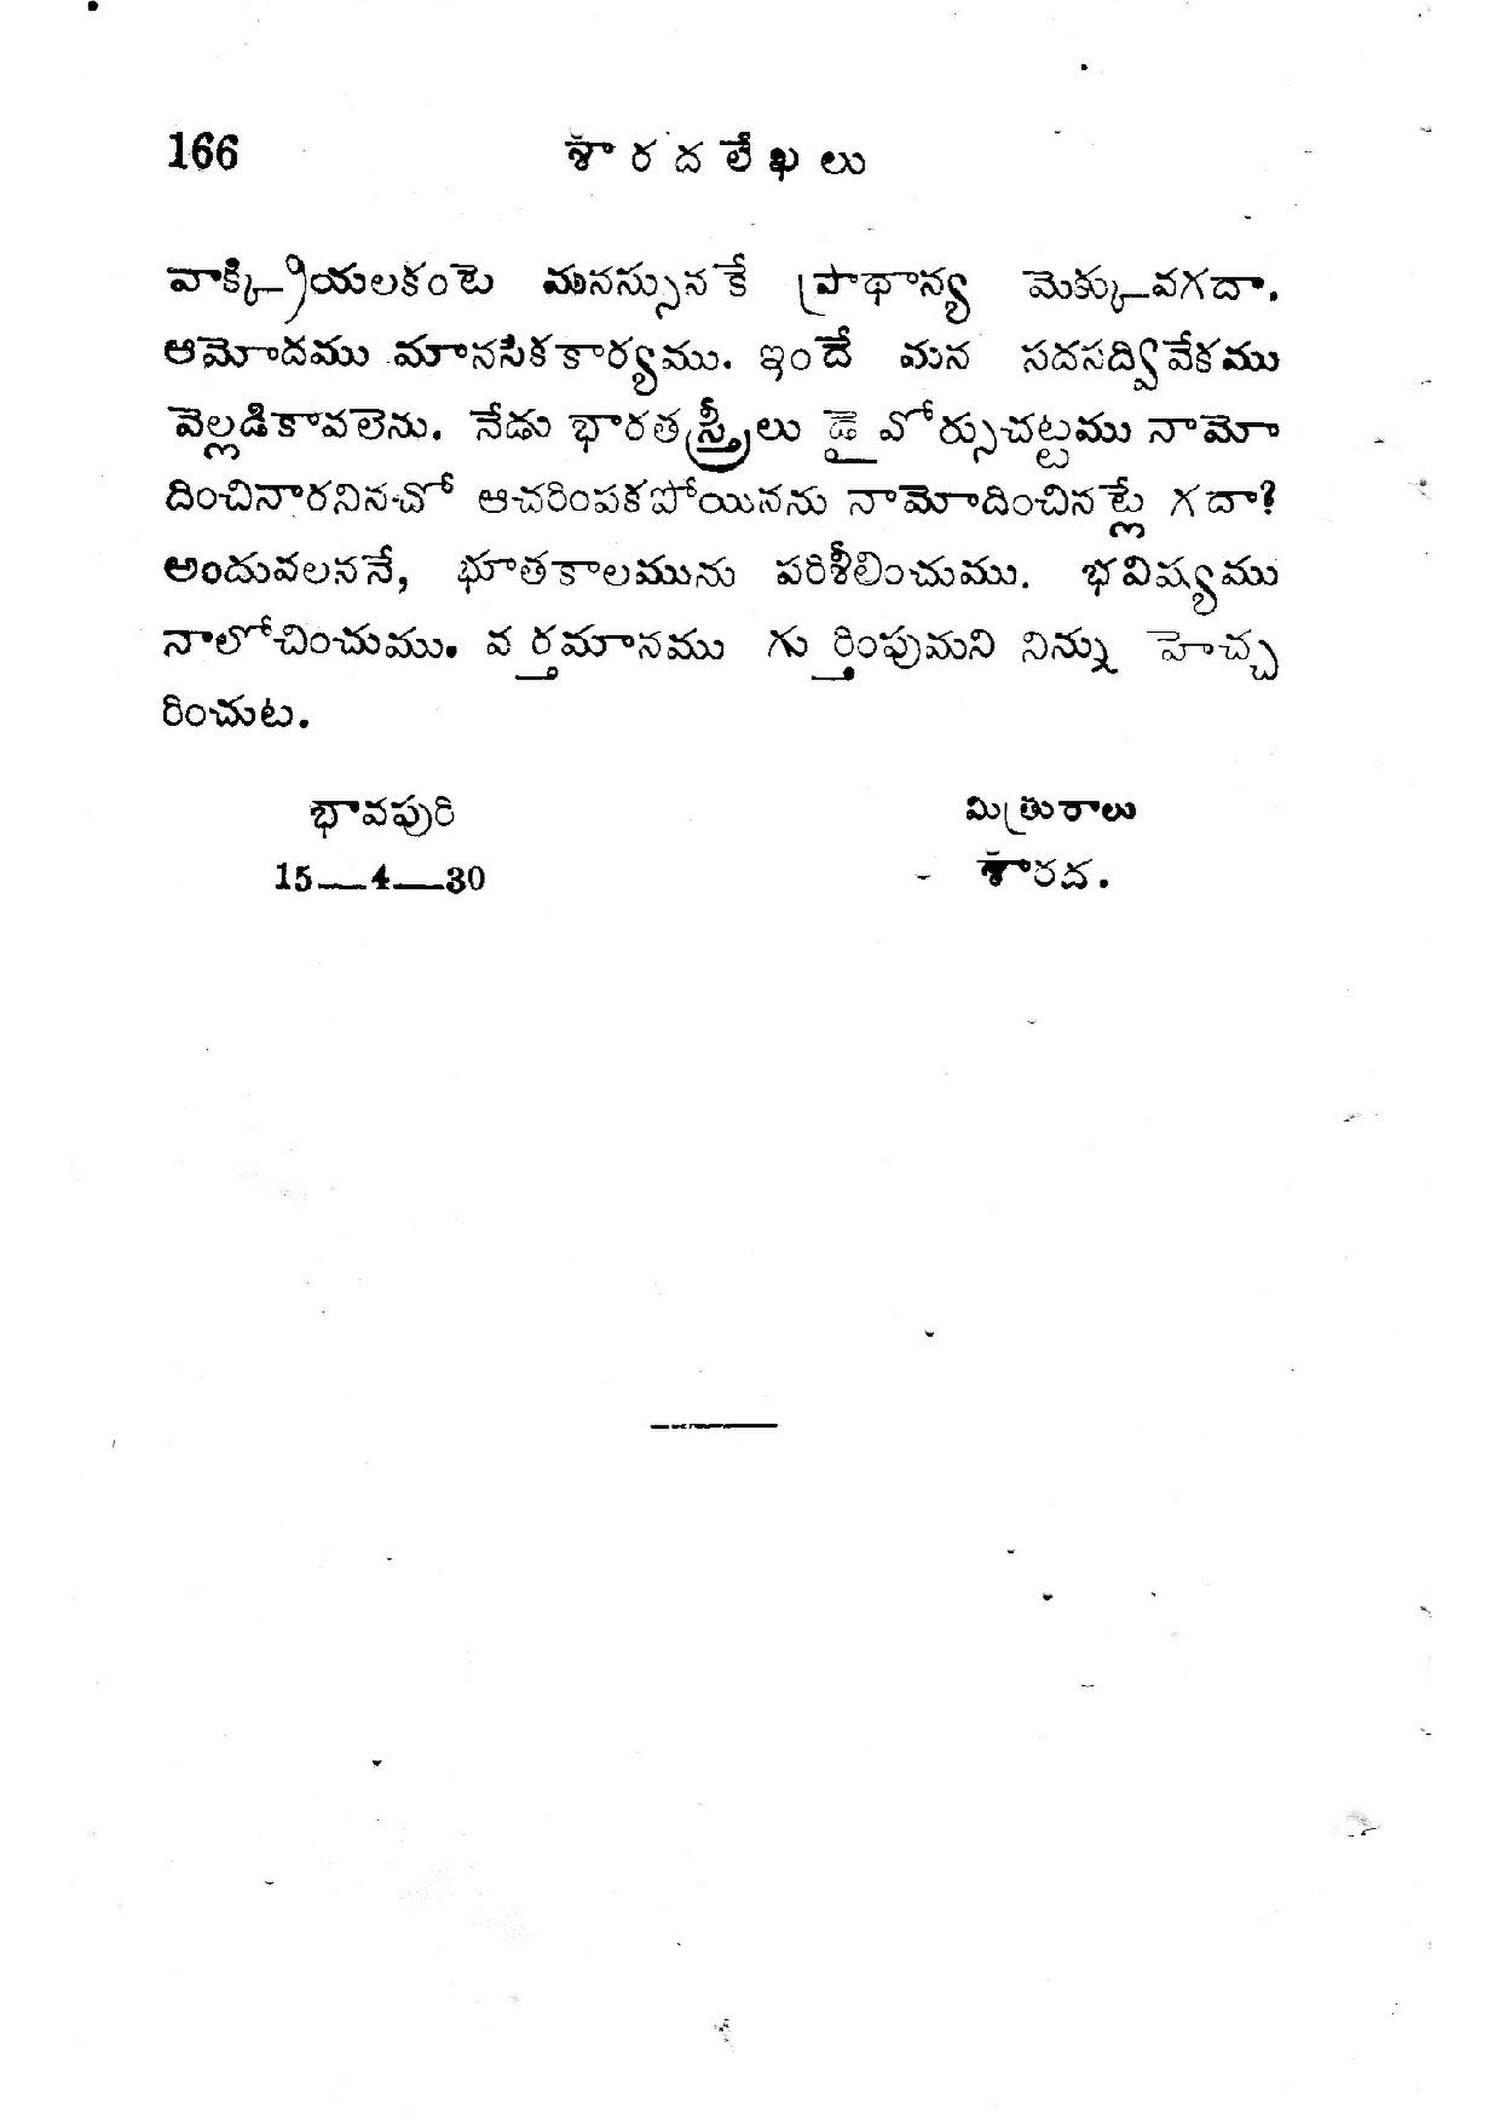వాక్క్రియలకంటె మనస్సునకే ప్రాధాన్య మెక్కువగదా. ఆమోదము మానసికకార్యము. ఇందే మన సదసద్వివేకము వెల్లడికావలెను. నేడు భారతస్త్రీలు డైవోర్సుచట్టము నామోదించినారనినచో ఆచరింపకపోయినను నామోదించినట్లే గదా? అందువలననే, భూతకాలమును పరిశీలించుము. భవిష్యము
నాలోచించుము. వర్తమానము గుర్తింపుమని నిన్ను హెచ్చరించుట.